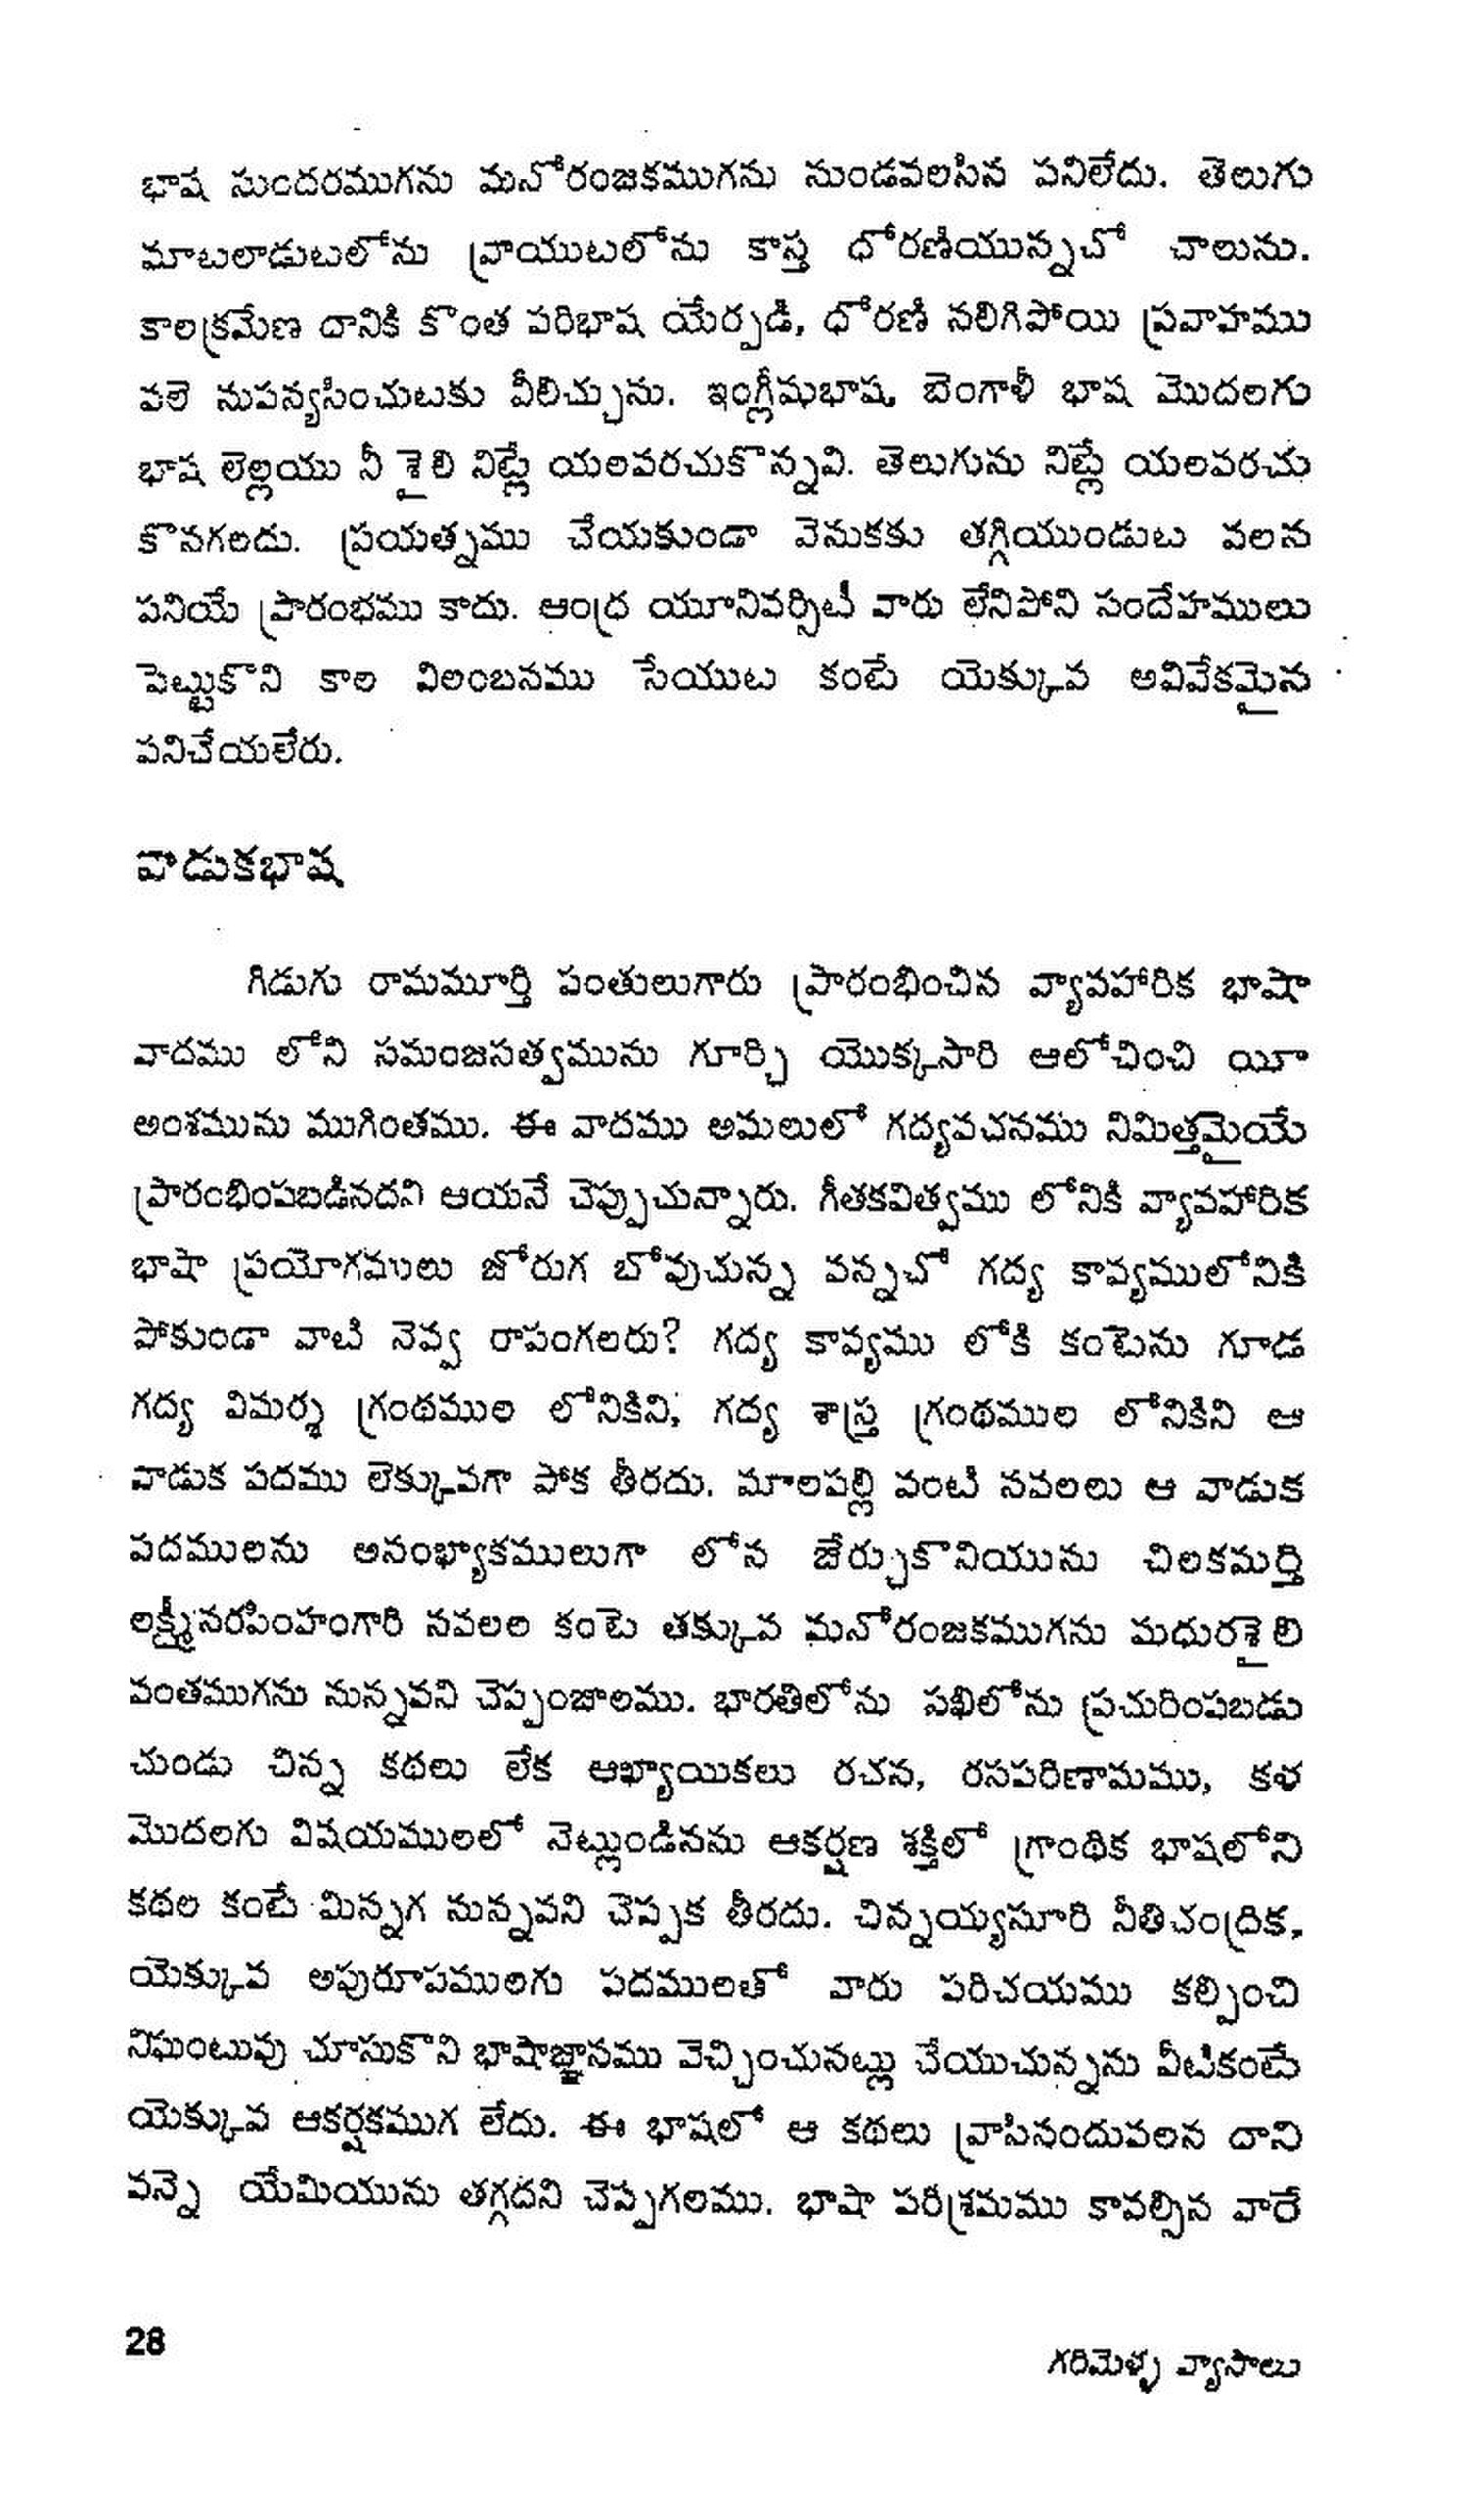భాష సుందరముగను మనోరంజకముగను నుండవలసిన పనిలేదు. తెలుగు మాటలాడుటలోను వ్రాయుటలోను కాస్త ధోరణియున్నచో చాలును. కాలక్రమేణ దానికి కొంత పరిభాష యేర్పడి, ధోరణి నలిగిపోయి ప్రవాహము వలె నుపన్యసించుటకు వీలిచ్చును. ఇంగ్లీషుభాష, బెంగాలీ భాష, మొదలగు బాష లెల్లయు నీ శైలి నిట్లే యలవరచుకొన్నవి. తెలుగును నిట్లే యలవరచుకొనగలదు. ప్రయత్నము చేయకుండా వెనుకకు తగ్గియుండుట వలన పనియే ప్రారంభము కాదు. ఆంధ్ర యూనివర్సిటీ వారు లేనిపోని సందేహములు పెట్టుకొని కాల విలంబనము సేయుట కంటే యెక్కువ అవివేకమైన పనిచేయలేరు.

వాడుకభాష
 
గిడుగు రామమూర్తి పంతులుగారు ప్రారంభించిన వ్యావహారిక భాషావాదము లోని సమంజసత్వమును గూర్చి యొక్కసారి ఆలోచించి యీ అంశమును ముగింతము. ఈ వాదము అమలులో గద్యవచనము నిమిత్తమైయే ప్రారంభింపబడినదని ఆయనే చెప్పుచున్నారు. గీతకవిత్వము లోనికి వ్యావహారిక భాషా ప్రయోగములు జోరుగ బోవుచున్న వన్నచో గద్య కావ్యములోనికి పోకుండా వాటి నెవ్వె రాపగలరు? గద్య కావ్యము లోకి కంటెను గూడ గద్య విమర్శ గ్రంథముల లోనికిని , గద్య శాస్త్ర గ్రంథముల లోనికిని ఆ వాడుక పదము లెక్కువగా పొక తీరదు. మాలపల్లి వంటి నవలలు ఆ వాడుక పదములను అసంఖ్యాకములుగా లోన జేర్చుకొనియును చిలకమర్తి లక్ష్మీనరసింహంగారి నవలల కంటె తక్కువ మనోరంజకముగను మధురశైలి వంతముగను నున్నవని చెప్పంజాలము. భారతిలోను సఖిలోను ప్రచురింపబడుచుండు చిన్న కథలు లేక ఆఖ్యాయికలు రచన, రసపరిణామము, కళ మొదలగు విషయములలో నెట్లుండినను ఆకర్షణ శక్తిలో గ్రాంథిక భాషలోని కథల కంటే మిన్నగ నున్నవని చెప్పక తీరదు. చిన్నయసూరి నీతిచంద్రిక, యెక్కువ అపురూపములగు పదములతో వారు పరిచయము కల్పించి నిఘంటువు చూసుకొని భాషాజ్ఞానము వెచ్చించునట్లు చేయుచున్నను వీటికంటే యెక్కువ ఆకర్షకముగ లేదు. ఈ భాషలో ఆ కథలు వ్రాసినందువలన దాని వన్నె యేమియును తగ్గదని చెప్పగలము. భాషా పరిశ్రమము కావల్సిన వారే